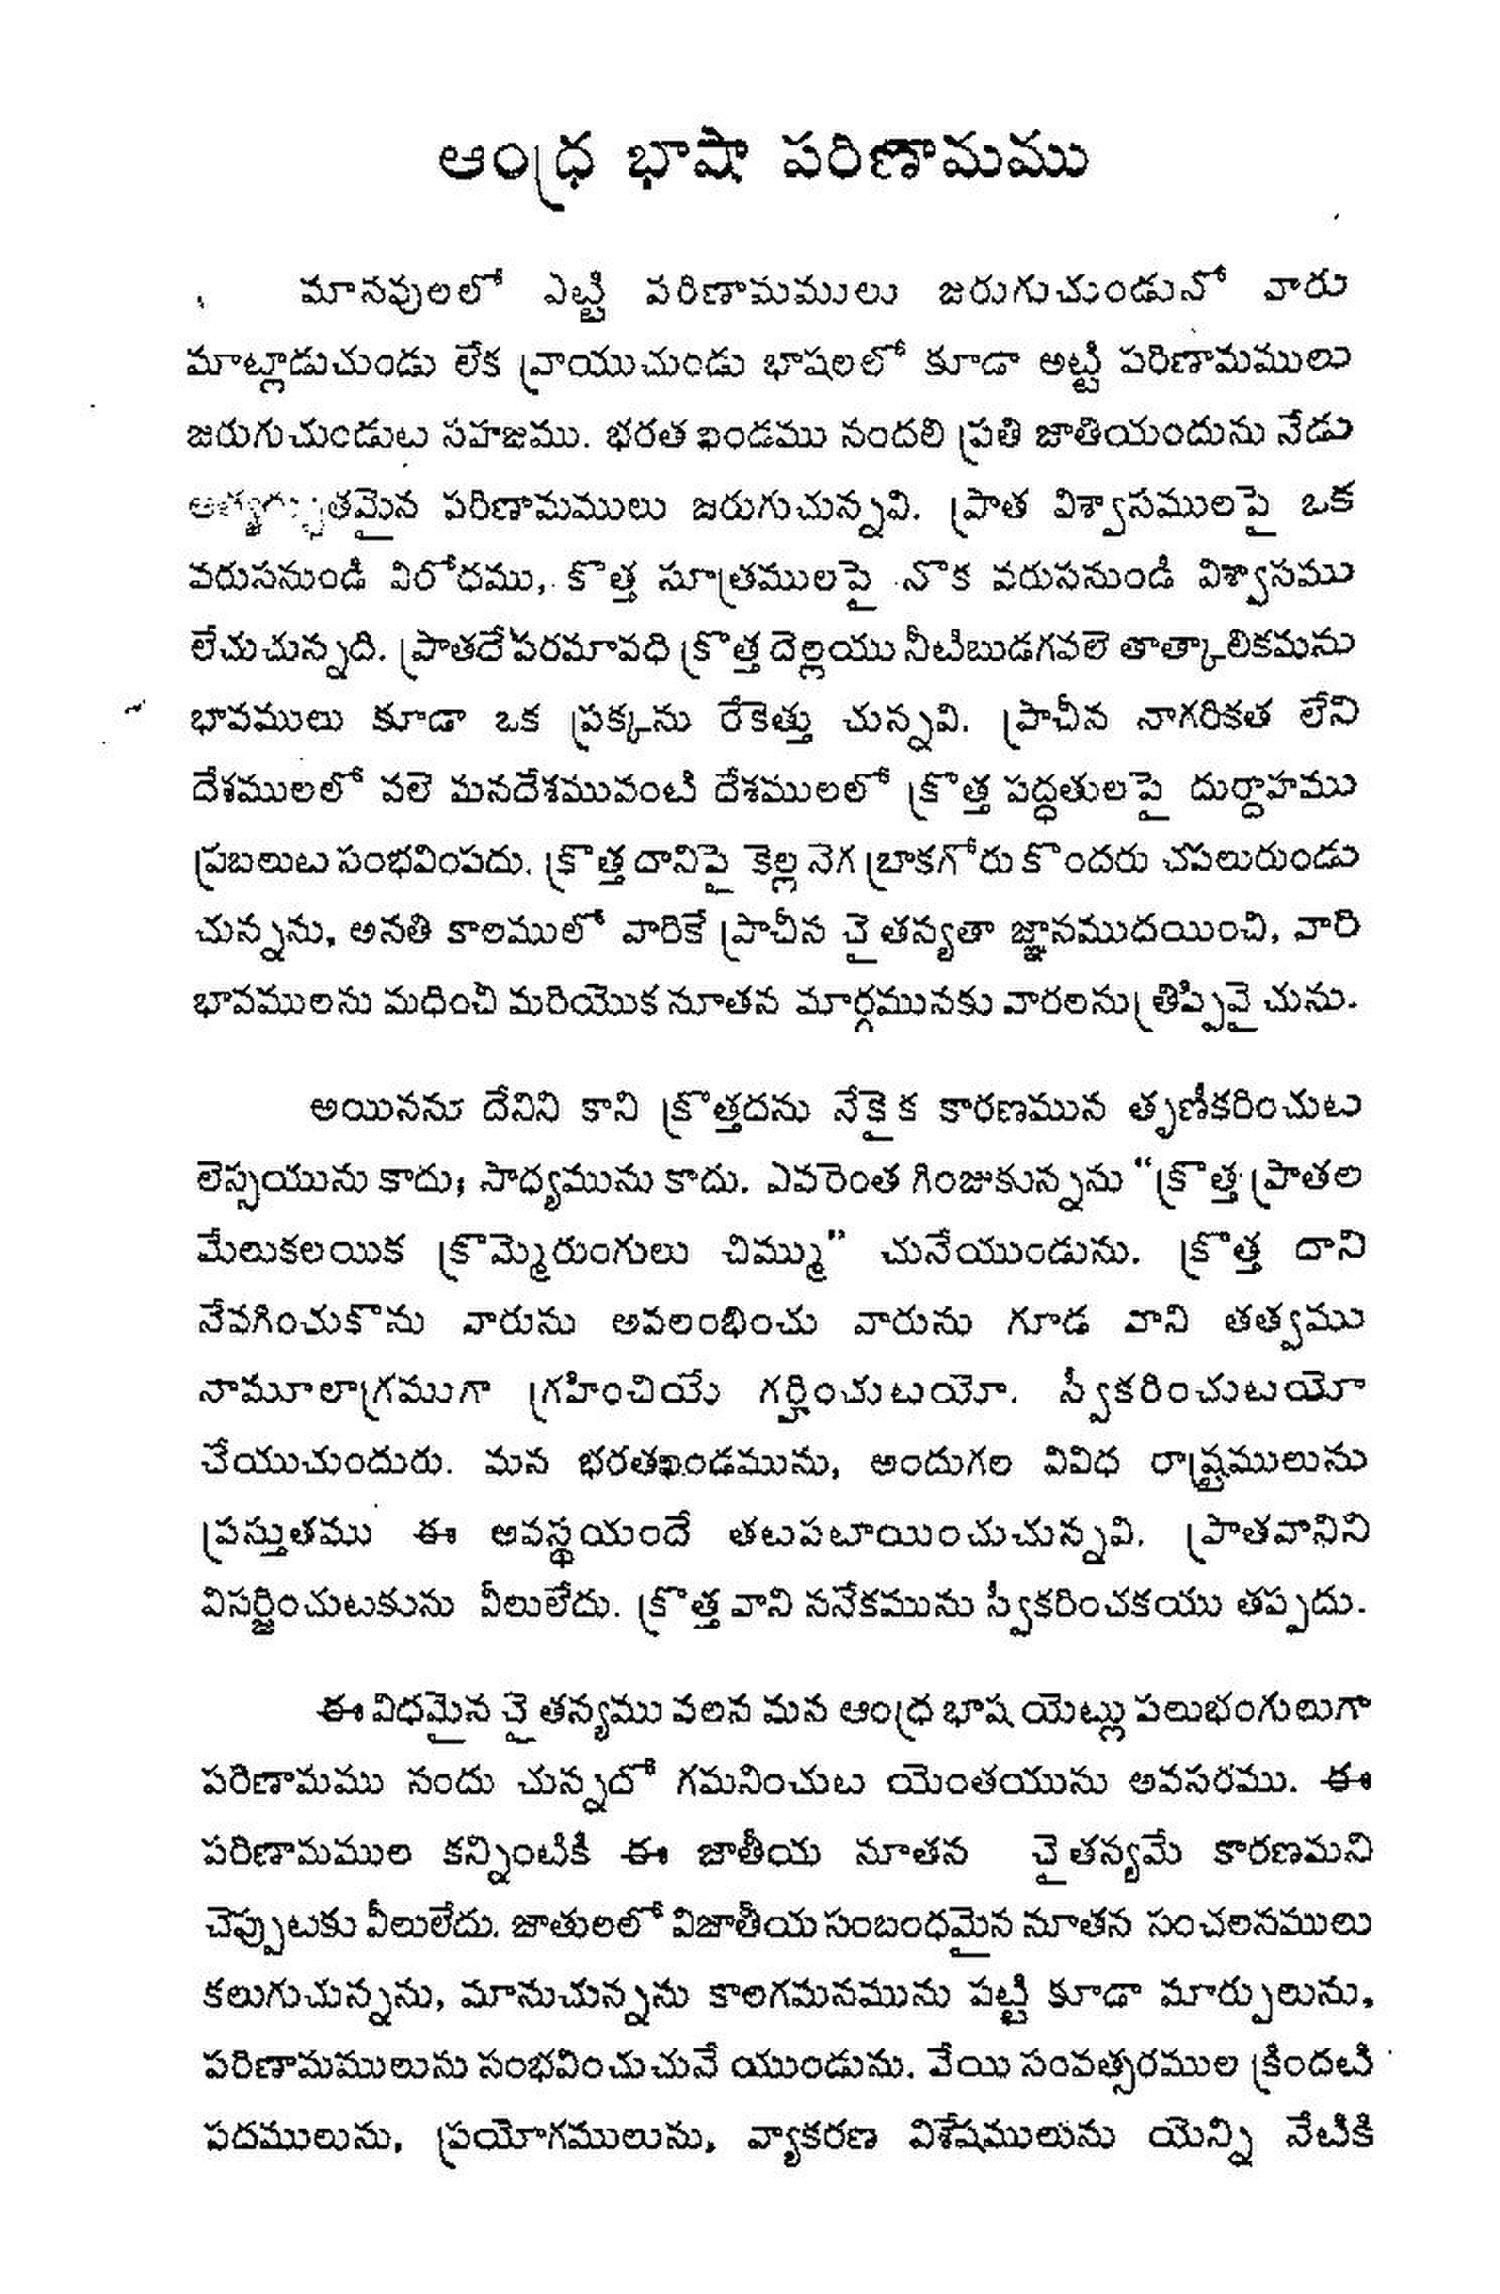ఆంధ్ర భాషా పరిణామము

 
మానవులలో ఎట్టి పరిణామములు జరుగుచుండునో వారు మాట్లాడుచుండు లేక వ్రాయుచుండు భాషలలో కూడా అట్టి పరిణామములు జరుగుచుండుట సహజము. భరత ఖండము నందలి ప్రతి జాతియందును నేడు అత్యద్భుతమైన పరిణామములు జరుగుచున్నవి. ప్రాత విశ్వాసములపై ఒక వరుసనుండి విరోదము, కొత్త సూత్రములపై నొక వరుసనుండి విశ్వాసము లేచుచున్నది. ప్రాతదే పరమావధి క్రొత్తదెల్లయు నీటిబుడగవలె తాత్కాలికమను భావములు కూడా ఒక ప్రక్కను రేకెత్తు చున్నవి. ప్రాచీన నాగరికత లేని దేశములలో వలె మనదేశమువంటి దేశములలో క్రొత్త పద్ధతులపై దుర్దాహము ప్రబలుట సంభవింపదు. క్రొత్తదానిపై కెల్ల నెగబ్రాకగోరు కొందరు చపలురుండుచున్నను, అనతి కాలములో వారికే ప్రాచీన చైతన్యతా జ్ఞానముదయించి, వారి భావములను మధించి మరియొక నూతన మార్గమునకు వారలను త్రిప్పివైచును.

అయినను దేనిని కాని క్రొత్తదను నేకైక కారణమున తృణీకరించుట లెస్సయును కదు, సాధ్యమునుకాదు. ఎవరెంత గింజుకున్నను "క్రొత్తప్రాతల మేలుకలయిక క్రొమ్మెరుంగులు చిమ్ము" చునేయుండును. క్రొత్త దాని నేవగించుకొను వారును అవలంభించు వారును గూడ వాని తత్వము నామూలాగ్రముగా గ్రహించియే గర్హించుటయో. స్వీకరించుటయో చేయుచుందురు. మన భరతఖండమును, అందుగల వివిధ రాష్ట్రములును ప్రస్తుతము ఈ అవస్థయందే తటపటాయించుచున్నవి. ప్రాతవానిని విసర్జించుటకును వీలులేదు. క్రొత్తవాని ననేకమును స్వీకరించకయు తప్పదు.

ఈ విధమైన చైతన్యము వలన మన ఆంధ్ర భాష యెట్లు పలుభంగులుగా పరిణామము నందు చున్నదో గమనించుట యెంతయును అవసరము. ఈ పరిణామముల కన్నింటికి ఈ జాతీయ నూతన చైతన్యమే కారణమని చెప్పుటకు వీలులేదు. జాతులలో నిజాతీయసంబంధమైన నూతన సంచలనములు కలుగుచున్నను, మానుచున్నను కాలగమనమును పట్టి కూడా మార్పులును, పరిణామములును సంభవించుచునే యుండును. వేయి సంవత్సరముల క్రిందటి పదములును, ప్రయోగములును, వ్యాకరణ విశేషములును యెన్ని నేటికి